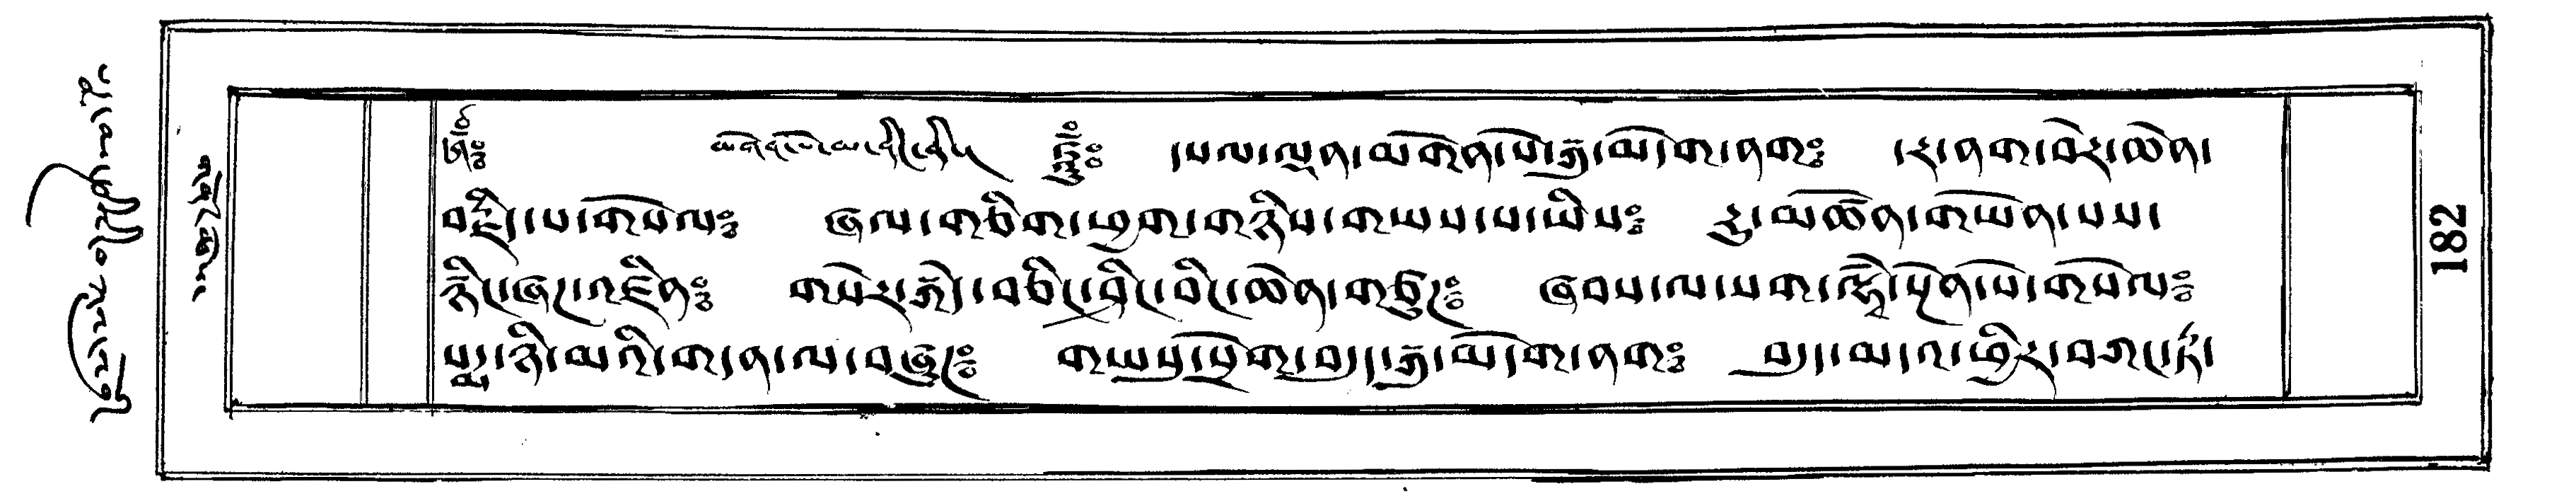༄། མགོན་པོ་མ་ནིང་ནི། ཧཱུྃ༔ དཔལ་ལྡན་མགོན་པོ་སྐུ་མདོག་ནག༔ དར་ནག་བེར་ཆེན་
བརྗིད་པ་གསོལ༔ ཞལ་གཅིག་ཕྱག་གཉིས་གཡས་པ་ཡིས༔ རུ་མཚོན་གཡོན་པས་
སྙིང་ཞགས་འཛིན༔ གསེར་སྐེད་བཅིངས་ཤིང་བིང་ཆེན་གཙུགས༔ ཞབས་ལ་སག་ལྷྭམ་སྔོན་པོ་གསོལ༔ 
པདྨ་ཉི་མའི་གདན་ལ་བཞུགས༔ གཡས་སུ་སྲོག་བདུད་སྐུ་མདོག་ནག༔ བདུད་མདའ་ཕྱིར་བཀང་རྟ་